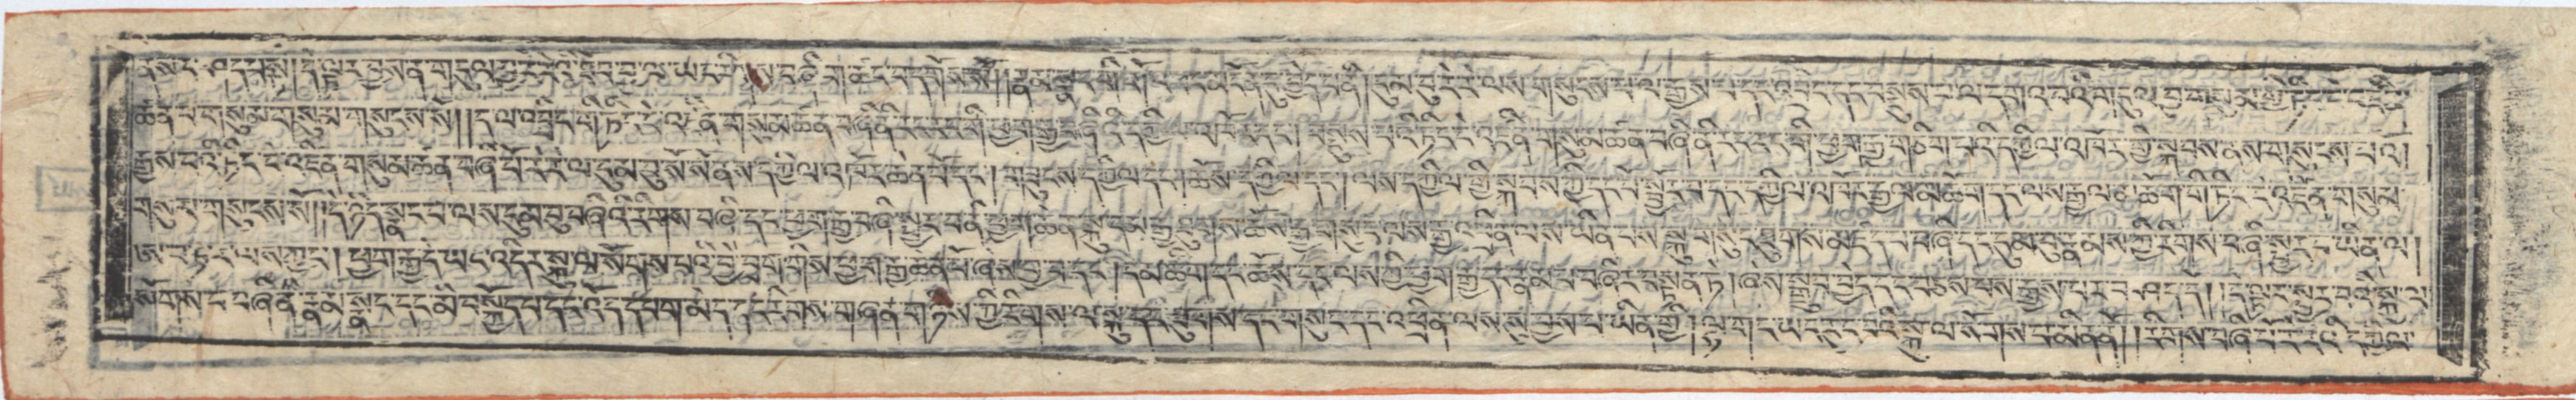ནས་བཤད་པ་སྟེ། དེ་ལྟར་བྱས་ན་གདུལ་བྱ་རེ་རེའི་ཐོབ་བྱ་ལ་ཡང་རིགས་བཞིག་ཚང་བ་དགོས་སོ། །རྣམ་སྣང་གི་གོ་འཕང་མངོན་དུ་བྱེད་པ་ནི། དུམ་བུ་རེ་རེ་ལས་གསུངས་པ་ལ་རྒྱས་པ་དང་འབྲིང་དང་བསྡུས་པ་ལ་དགའ་བའི་གདུལ་བྱ་གསུམ་གྱི་ཏིང་ངེ་འཛིན་
ཚན་པ་གསུམ་གསུམ་གསུངས་སོ། །དེ་ལ་འབྲིང་གི་ཏིང་ངེ་འཛིན་གསུམ་ཚན་བཞི་ནི་རང་རང་གི་ཕྱག་རྒྱ་བཞིའི་དཀྱིལ་འཁོར་དང་། བསྡུས་པའི་ཏིང་ངེ་འཛིན་གསུམ་ཚན་བཞི་ནི་རང་རང་གི་ཕྱག་རྒྱ་གཅིག་པའི་དཀྱིལ་འཁོར་གྱི་སྐབས་ནས་གསུངས་པའོ། །
རྒྱས་པའི་ཏིང་ངེ་འཛིན་གསུམ་ཚན་བཞི་པོ་རེ་རེ་ལ་དུམ་བུ་སོ་སོ་ནས་དཀྱིལ་འཁོར་ཆེན་པོ་དང་། གཟུངས་དཀྱིལ་དང་། ཆོས་དཀྱིལ་དང་། ལས་དཀྱིལ་གྱི་སྐབས་ཀྱི་དང་པོ་སྦྱོར་བ་དང་དཀྱིལ་འཁོར་རྒྱལ་མཆོག་དང་ལས་རྒྱལ་མཆོག་གི་ཏིང་ངེ་འཛིན་གསུམ་
གསུམ་གསུངས་སོ། །དེ་ཉིད་སྣང་པ་ལས་དུམ་བུ་བཞིའི་རིགས་བཞི་དང་ཕྱག་རྒྱ་བཞི་སྦྱར་བ་ནི་ཕྱག་ཆེན་སྐུ་དམ་རྒྱ་ཐུགས་ཆོས་རྒྱ་གསུང་ལས་རྒྱ་འཕྲིན་ལས་ཡིན་པས་སྐུ་གསུང་ཐུགས་མཛད་པ་བཞི་དང་དུམ་བུ་རྣམས་ཀྱི་རིགས་བཞི་སྦྱར་བ་ཡིན་ལ།
ཨ་བ་ཏ་ར་ལས་ཀྱང་། ཕྱག་རྒྱ་དེ་ཡང་འདིར་སྐུ་ལ་སོགས་པའི་བྱེ་བྲག་གིས་ཕྱག་རྒྱ་ཆེན་པོ་ཞེས་བྱ་བ་དང་། དམ་ཚིག་དང་ཆོས་དང་ལས་ཀྱི་ཕྱག་རྒྱ་དང་རྣམ་པ་བཞིར་བསྟན་ཏེ། ཞེས་སྒྲུབ་བྱེད་དང་བཅས་པས་རྒྱས་པར་བཤད་དོ། །དེ་ལྟར་སྦྱར་བའི་སྐུ་ལ་
སོགས་པ་བཞི་ནི་རྣམ་སྣང་དང་མི་བསྐྱོད་པ་དང་འོད་དཔག་མེད་དང་རིགས་གཞན་གཉིས་ཀྱི་རིགས་ལ་སྐུ་དང་ཐུགས་དང་གསུང་དང་འཕྲིན་ལས་སུ་བྱས་པ་ཡིན་གྱི། ལྷ་གང་ཡང་རུང་བའི་སྐུ་ལ་སོགས་པ་མིན་ནོ། །རིགས་བཞི་པོ་རེ་རེའི་དཀྱིལ་